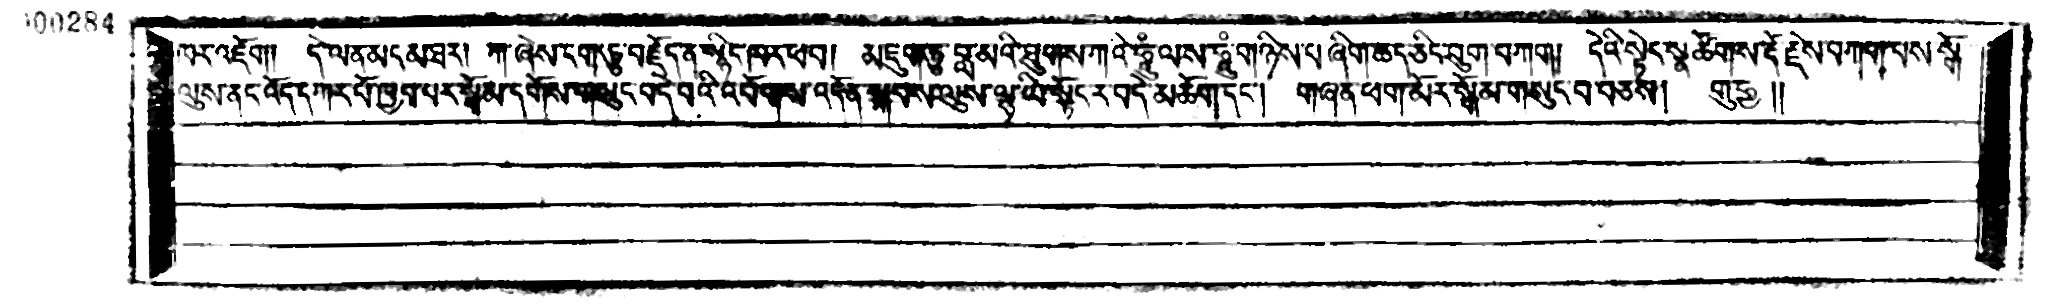ཁར་འཇོག །དེ་ལན་མང་མཐར། ཀ་ཞེས་ངག་ཏུ་བརྗོད་ན་སྙིང་ཁར་ཕབ། མཇུག་ཏུ་བླ་མའི་ཐུགས་ཀའི་ཧཱུཾ་ལས་ཧཱུཾ་གཉིས་པ་ཞིག་ཆད་ཅིང་བུག་བཀག །དེའི་སྟེང་སྣ་ཚོགས་རྡོ་རྗེས་བཀག་པས་སྒོ་
ལུས་ནང་འོད་དཀར་པོ་ཁྱབ་པར་སྒོམ་དགོས་གསུང་བདེ་བའི་འབོགས་འདོན་སྐབས་ལུས་ལྷ་ཡི་སྟོང་ར་བདེ་མཆོག་དང་། གཞན་ཕག་མོར་སྒོམ་གསུང་བ་བཅས། གུ་ཧྱ། །